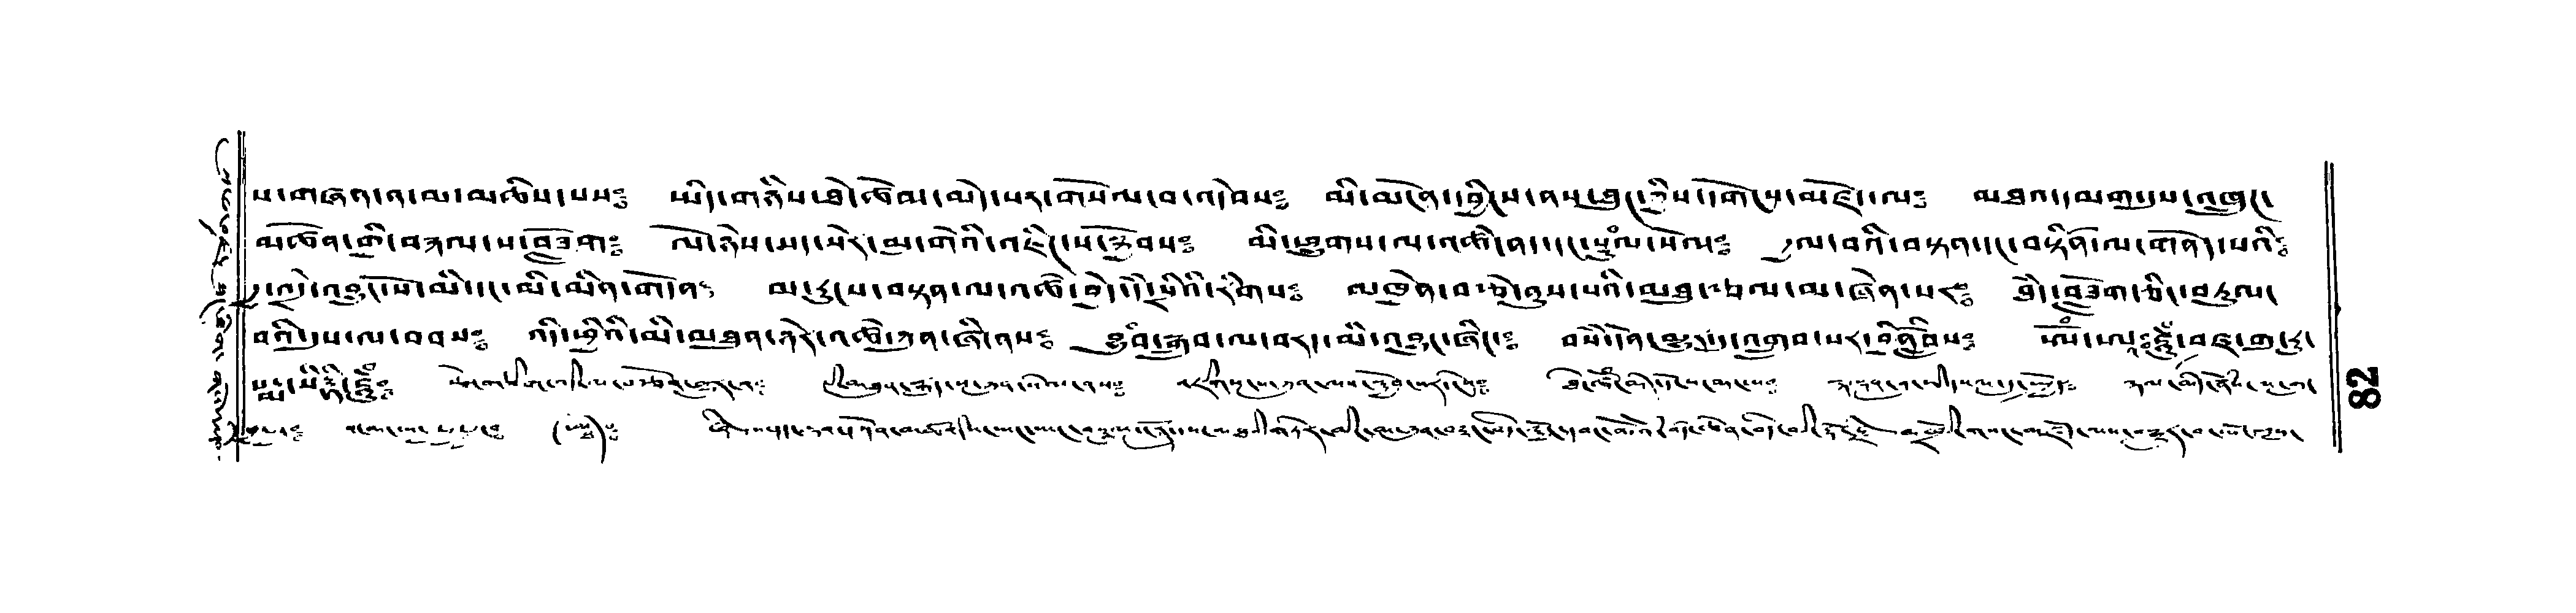ས་གཞན་ན་མ་མཆིས་པས༔ ཡིད་གཉིས་ཐེ་ཚོམ་མེད་པར་གསོལ་བ་འདེབས༔ མི་མངོན་དབྱིངས་ནས་ཐུགས་ཀྱིས་དགོངས་མཛོད་ལ༔ མཐའ་དམག་དུས་འཁྲུགས་
མཚོན་གྱི་བསྐལ་པ་བཟློག༔ ལོ་ཉེས་སད་སེར་མུ་གེའི་འཇིགས་པ་སྐྱོབས༔ མི་ཕྱུགས་ལ་འཚེ་ནད་དང་སྡུག་བསྔལ་སོལ༔ རྒྱལ་བའི་བསྟན་དང་བསྟན་འཛིན་ལ་གནོད་པའི༔ 
རྒྱ་འདྲེ་འབྱུང་པོ་མི་དང་མི་མིན་གདོན༔ མ་རུངས་བསྟན་ལ་འཚེ་བྱེད་དམ་སྲིའི་རིགས༔ མཁྱེན་བརྩེ་ནུས་པའི་མཐུ་རྩལ་མ་ཞན་པར༔ ཐམས་ཅད་བཟློག་ཅིང་འདུལ་
བའི་དུས་ལ་བབ༔འདི་ཕྱིའི་མི་མཐུན་ཉེར་འཚེ་ཀུན་ཞི་ནས༔ བྱང་ཆུབ་སྒྲུབ་ལ་བར་ཆད་མི་འབྱུང་ཞིང༔ བསམ་དོན་མྱུར་དུ་འགྲུབ་པར་བྱིན་གྱིས་རློབས༔ ཨོཾ་ཨཱཿཧཱུྃ་བཛྲ་གུ་རུ་
པདྨ་སིདྡྷི་ཧཱུྃ༔ རྩེ་གཅིག་འདི་ལ་བརྩོན་མྱུར་ན༔ མི་མཐུན་རྒུད་པ་ཀུན་སེལ་ནས༔ འཇིགས་པ་ཀུན་ལས་སྐྱོབ་པར་ངེས༔ ཐེ་ཚོམ་མེད་དོ་ས་མ་ཡ༔ སྐལ་ལྡན་བུ་ཡི་དཔལ་དུ་སྤྱོད༔ སྐལ་མེད་རྣམས་ལ་གུ་
ཧྱ་རྒྱ༔ ས་མ་ཡ༔ རྒྱ་རྒྱ་རྒྱ༔ ༔ ཞེས་པ་དད་ལྡན་དཀོན་མཆོག་གིས་ཡང་ཡང་བསྐུལ་ངོར་དུས་མཐའི་གཏེར་མིང་མ་ཀུན་བཟང་བདེ་སྐྱོང་དབང་མོའམ་བདེ་ཆེན་བདེ་བའི་རྡོ་རྗེས་མཁའ་འགྲོའི་གསང་མཛོད་ལས་བསྒྱུར་བ་ཡོངས་སུ་